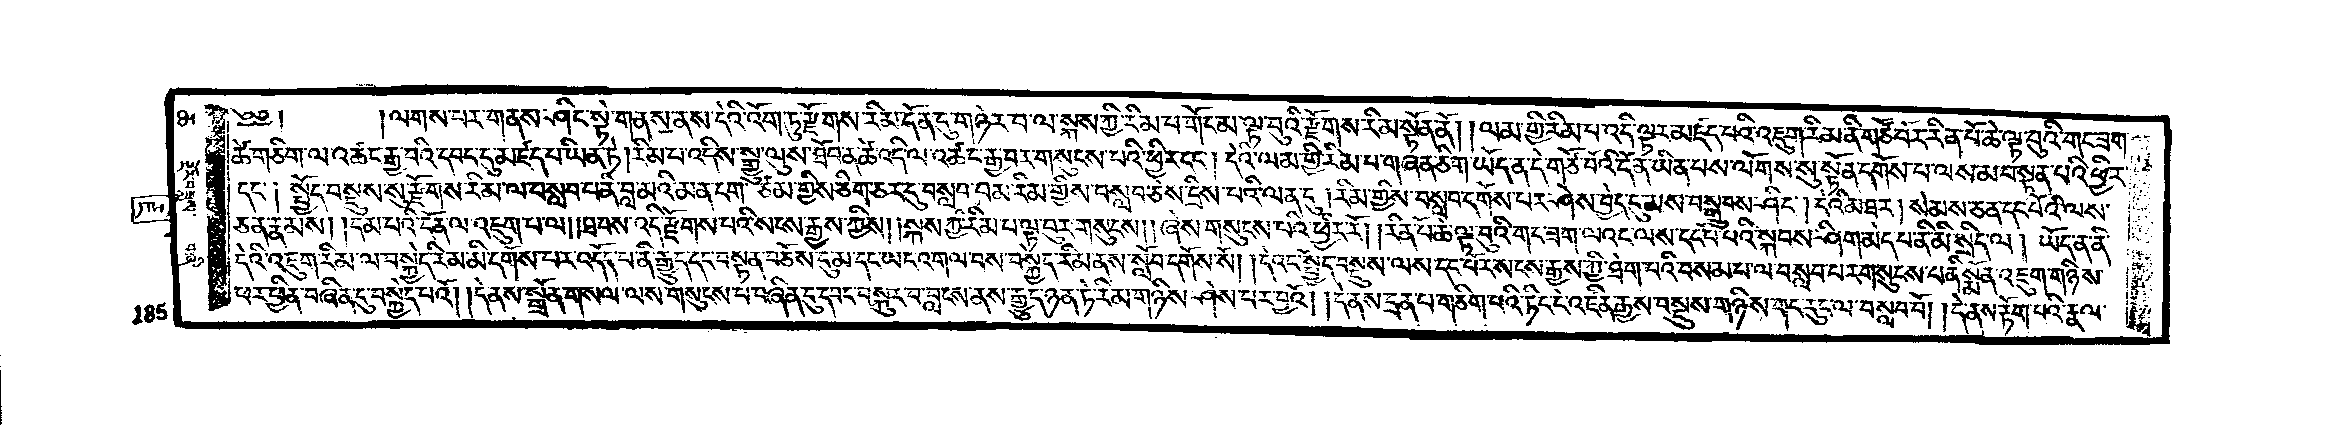༄༅། །ལེགས་པར་གནས་ཤིང་སྟེ་གནས་ནས་དེའི་འོག་ཏུ་རྫོགས་རིམ་དོན་དུ་གཉེར་བ་ལ་སྐས་ཀྱི་རིམ་པ་གོང་མ་ལྟ་བུའི་རྫོགས་རིམ་སྟོན་ནོ། །ལམ་གྱི་རིམ་པ་འདི་ལྟར་མཛད་པའི་འཇུག་རིམ་ནི་གཙོ་བོར་རིན་པོ་ཆེ་ལྟ་བུའི་གང་ཟག་
ཚེ་གཅིག་ལ་འཚང་རྒྱ་བའི་དབང་དུ་མཛད་པ་ཡིན་ཏེ། རིམ་པ་འདིས་སྒྱུ་ལུས་ཐོབ་ན་ཚེ་འདི་ལ་འཚང་རྒྱ་བར་གསུངས་པའི་ཕྱིར་དང་། དེའི་ལམ་གྱི་རིམ་པ་གཞན་ཅིག་ཡོད་ན་དེ་གཙོ་བོའི་དོན་ཡིན་པས་ལོགས་སུ་སྟོན་དགོས་པ་ལས་མ་བསྟན་པའི་ཕྱིར་
དང་། སྤྱོད་བསྡུས་སུ་རྫོགས་རིམ་ལ་བསླབ་པ་ནི་བླ་མའི་མན་ངག་ཙམ་གྱིས་ཅིག་ཅར་དུ་བསླབ་བམ་རིམ་གྱིས་བསླབ་ཅེས་དྲིས་པའི་ལན་དུ། རིམ་གྱིས་བསླབ་དགོས་པར་ཤེས་བྱེད་དུ་མས་བསྒྲུབས་ཤིང་། དེའི་མཐར། སེམས་ཅན་དང་པོའི་ལས་
ཅན་རྣམས། །དམ་པའི་དོན་ལ་འཇུག་པ་ལ། །ཐབས་འདི་རྫོགས་པའི་སངས་རྒྱས་ཀྱིས། །སྐས་ཀྱི་རིམ་པ་ལྟ་བུར་གསུངས། །ཞེས་གསུངས་པའི་ཕྱིར་རོ། །རིན་པོ་ཆེ་ལྟ་བུའི་གང་ཟག་ལའང་ལས་དང་པོ་པའི་སྐབས་ཤིག་མེད་པ་ནི་མི་སྲིད་ལ། ཡོད་ན་ནི་
དེའི་འཇུག་རིམ་ལ་བསྐྱེད་རིམ་མི་དགོས་པར་འདོད་པ་ནི་རྒྱུད་དང་བསྟན་བཅོས་དུ་མ་དང་ཡང་འགལ་བས་བསྐྱེད་རིམ་ནས་སློབ་དགོས་སོ། །དེའང་སྤྱོད་བསྡུས་ལས་དང་པོར་སངས་རྒྱས་ཀྱི་ཐེག་པའི་བསམ་པ་ལ་བསླབ་པར་གསུངས་པ་ནི་སྨོན་འཇུག་གཉིས་
ཕར་ཕྱིན་བཞིན་དུ་བསྐྱེད་པའོ། །དེ་ནས་སྒྲོན་གསལ་ལས་གསུངས་པ་བཞིན་དུ་དབང་བསྐུར་བ་བླངས་ནས་རྒྱུད་ཉན་ཏེ་རིམ་གཉིས་ཤེས་པར་བྱའོ། །དེ་ནས་དྲན་པ་གཅིག་པའི་ཏིང་ངེ་འཛིན་རྒྱས་བསྡུས་གཉིས་གང་རུང་ལ་བསླབ་བོ། །དེ་ནས་རྟོག་པའི་རྣལ་